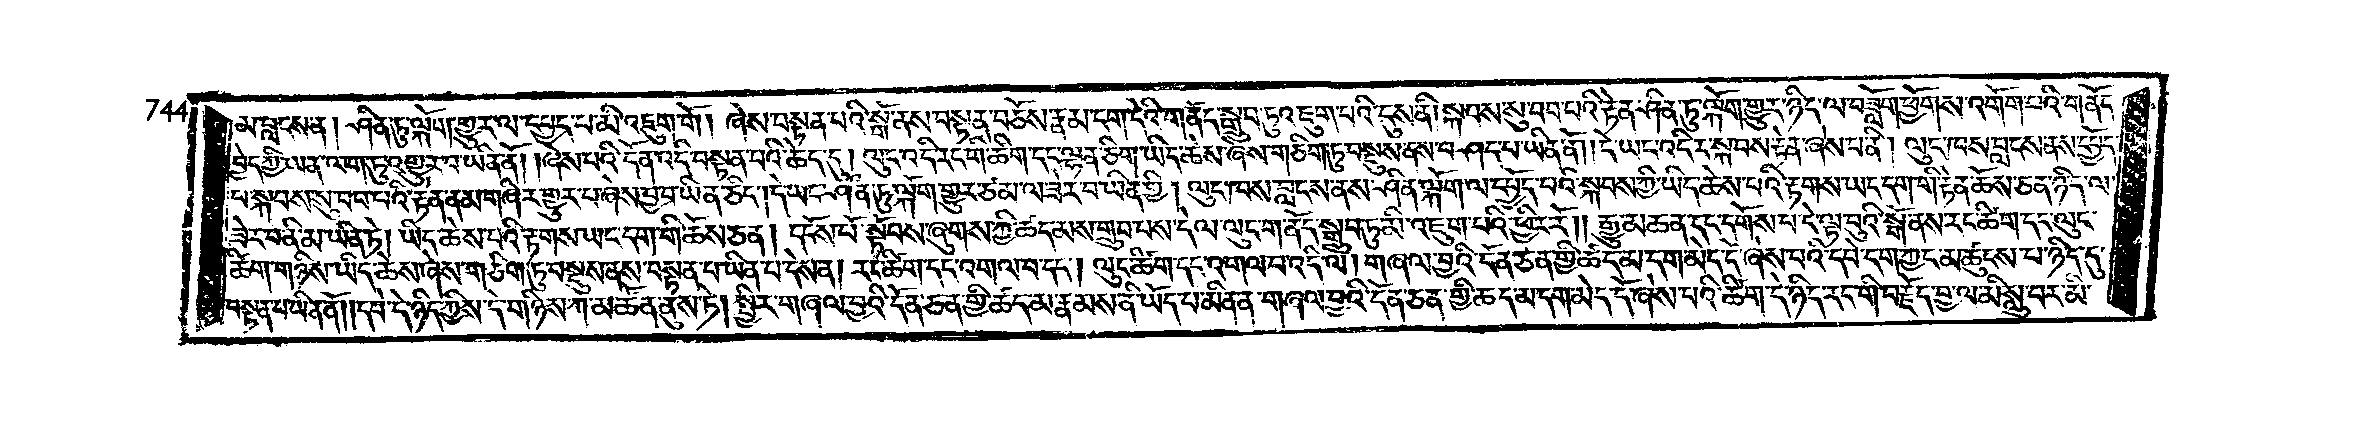མ་བླངས་ན། ཤིན་ཏུ་ལྐོག་གྱུར་ལ་དཔྱད་པ་མི་འཇུག་གོ། །ཞེས་བསྟན་པའི་སྒོ་ནས་བསྟན་བཅོས་རྣམ་དག་དེའི་གནོད་སྒྲུབ་ཏུ་འཇུག་པའི་དུས་ནི། སྐབས་སུ་བབ་པའི་རྟེན་ཤིན་ཏུ་ལྐོག་གྱུར་ཉིད་ལ་བཟློག་ཕྱོགས་འགོག་པའི་གནོད་
བྱེད་ཀྱི་ཡན་ལག་ཏུ་འགྱུར་བ་ཡིན་ནོ། །ཞེས་པའི་དོན་འདི་བསྟན་པའི་ཆེད་དུ། །ལུང་འདིར་རང་གི་ཚིག་དང་ལྷན་ཅིག་ཡིད་ཆེས་ཞེས་གཅིག་ཏུ་བསྡུས་ནས་བཤད་པ་ཡིན་ནོ། །དེ་ཡང་འདིར་སྐབས་བརྟེན་ཞེས་པ་ནི། ལུང་ཁས་བླངས་ནས་དཔྱོད་
པ་སྐབས་སུ་བབ་པའི་རྟེན་ནམ་གཞིར་གྱུར་པ་ཞེས་བྱ་བ་ཡིན་ཅིང་། དེ་ཡང་ཤིན་ཏུ་ལྐོག་གྱུར་ཙམ་ལ་ཟེར་བ་ཡིན་གྱི། ལུང་ཁས་བླངས་ནས་ཤིན་ལྐོག་ལ་དཔྱོད་པའི་སྐབས་ཀྱི་ཡིད་ཆེས་པའི་རྟགས་ཡང་དག་གི་རྟེན་ཆོས་ཅན་ཉིད་ལ་
ཟེར་བ་ནི་མ་ཡིན་ཏེ། ཡིད་ཆེས་པའི་རྟགས་ཡང་དག་གི་ཆོས་ཅན། དངོས་པོ་སྟོབས་ཞུགས་ཀྱི་ཚད་མས་གྲུབ་པས་དེ་ལ་ལུང་གནོད་སྒྲུབ་ཏུ་མི་འཇུག་པའི་ཕྱིར་རོ། །རྒྱུ་མཚན་དང་དགོས་པ་དེ་ལྟ་བུའི་སྒོ་ནས་རང་ཚིག་དང་ལུང་
ཚིག་གཉིས་ཡིད་ཆེས་ཞེས་གཅིག་ཏུ་བསྡུས་ནས་བསྟན་པ་ཡིན་པ་དེས་ན། རང་ཚིག་དང་འགལ་བ་དང་། ལུང་ཚིག་དང་འགལ་བ་འདི་ལ། གཞལ་བྱའི་དོན་ཅན་གྱི་ཚད་མ་དག་མེད་དོ་ཞེས་པའི་དཔེ་དག་ཀྱང་མཚུངས་པ་ཉིད་དུ་ཨི་
བསྟན་པ་ཡིན་ནོ། །དཔེ་དེ་ཉིད་ཀྱིས་དེ་གཉིས་ཀ་མཚོན་ནུས་ཏེ། སྤྱིར་གཞལ་བྱའི་དོན་ཅན་གྱི་ཚད་མ་རྣམས་ནི་ཡོད་པ་མིན་ན་གཞལ་བྱའི་དོན་ཅན་གྱི་ཚད་མ་དག་མེད་དོ་ཞེས་པའི་ཚིག་དེ་ཉིད་རང་གི་བརྗོད་བྱ་ལ་མི་སླུ་བར་མི་